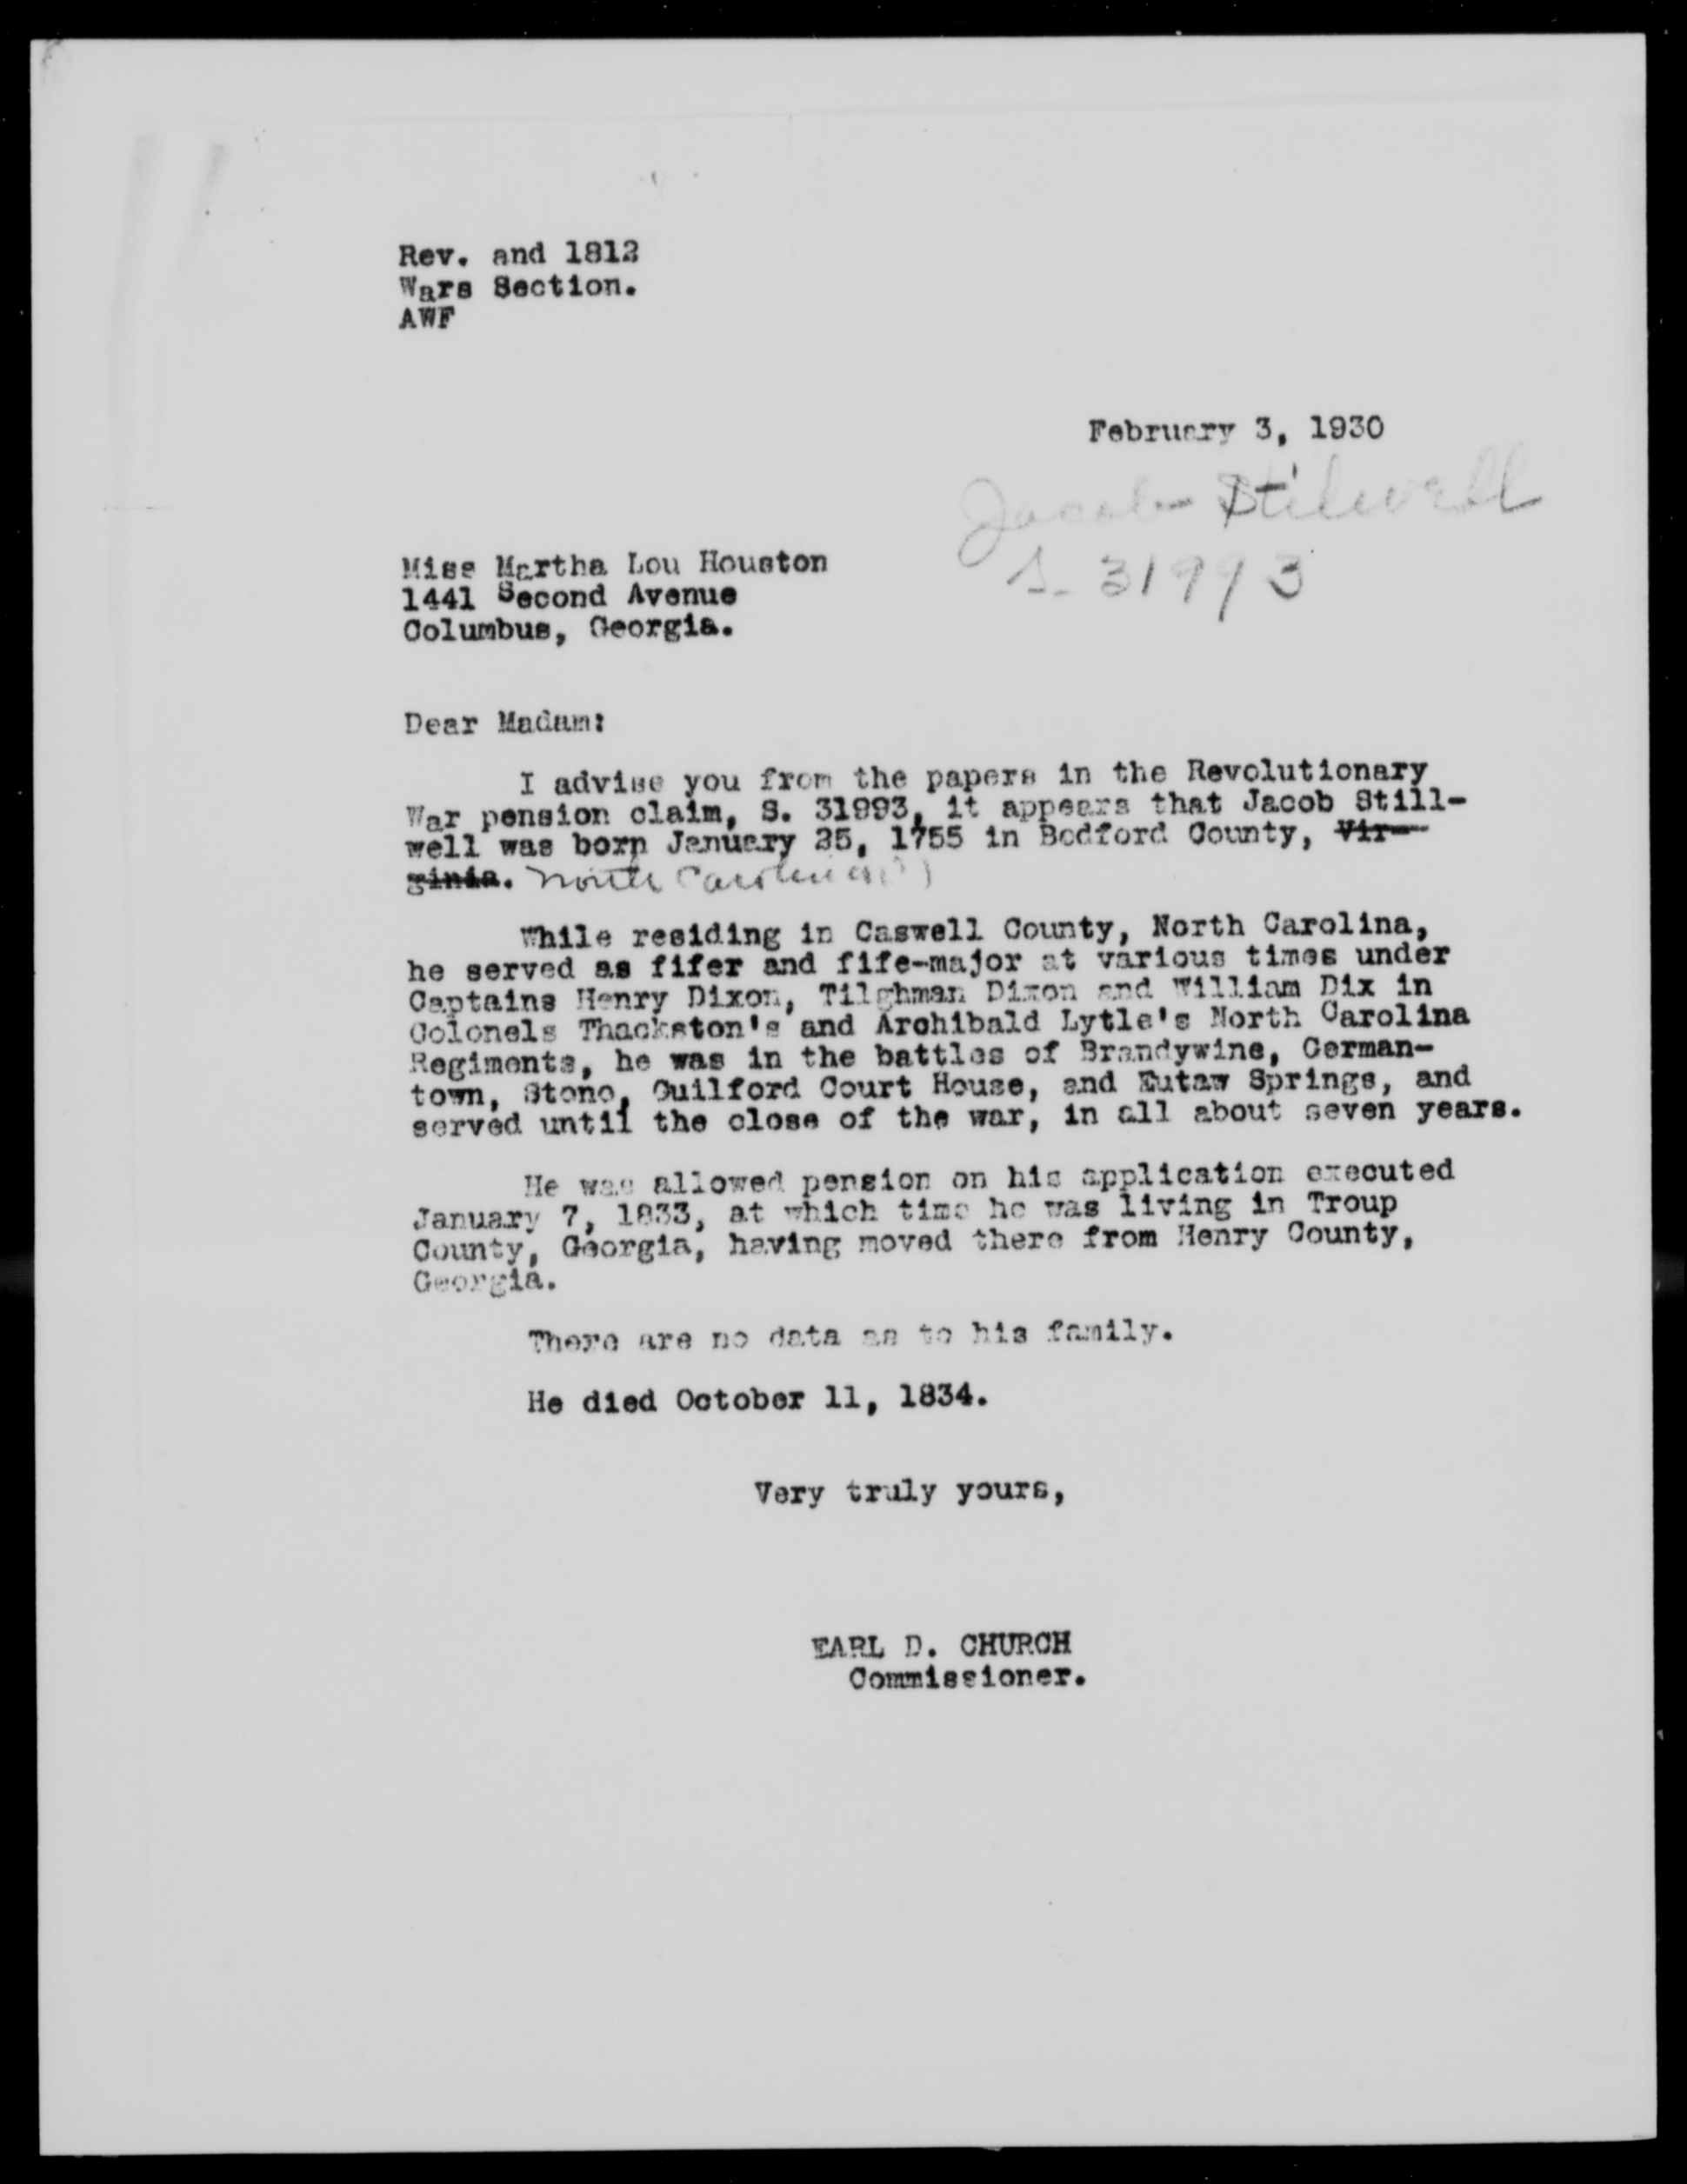Rev. and 1812
Wars Section.
AWF
February 3, 1930
John Stilwell
S.31993
Miss Martha Lou Houston
1441 Second Avenue
Columbus, Georgia.
Dear Madam:

I advise you from the papers in the Revolutionary War
pension claim, S. 31993, it appears that Jacob Still
well was born January 25, 1755 in Bedford County, [Virginia crossed out]
North Carolina
While residing in Caswell County, North Carolina,
he served as fifer and fife-major at various times under
Captain Henry Dixon, Tilghman Dixon and William Dix in
Colonel Thackston's and Archibald Lytle's North Carolina
Regiments, he was in the battles of Brandywine, Germantown, Stone, Guilford Court House, and Eutaw Springs, and
served until the close of the war, in all about seven years.
He was allowed pension on his application executed
January 7, 1833, at which time he was living in Troup
County, Georgia, having moved there from Henry County,
Georgia.
There are no data as to his family.
He died October 11, 1834.
Very truly yours,
EARL D. CHURCH
Commissioner.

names: Jacob Stillwell; Henry Dixon; Tilghman Dixon; Jacob Stilwell; William Dix; Martha Lou Houston; Earl D Church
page: 16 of 25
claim: survivor's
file: S. 31,993, for Jacob Stillwell, North Carolina